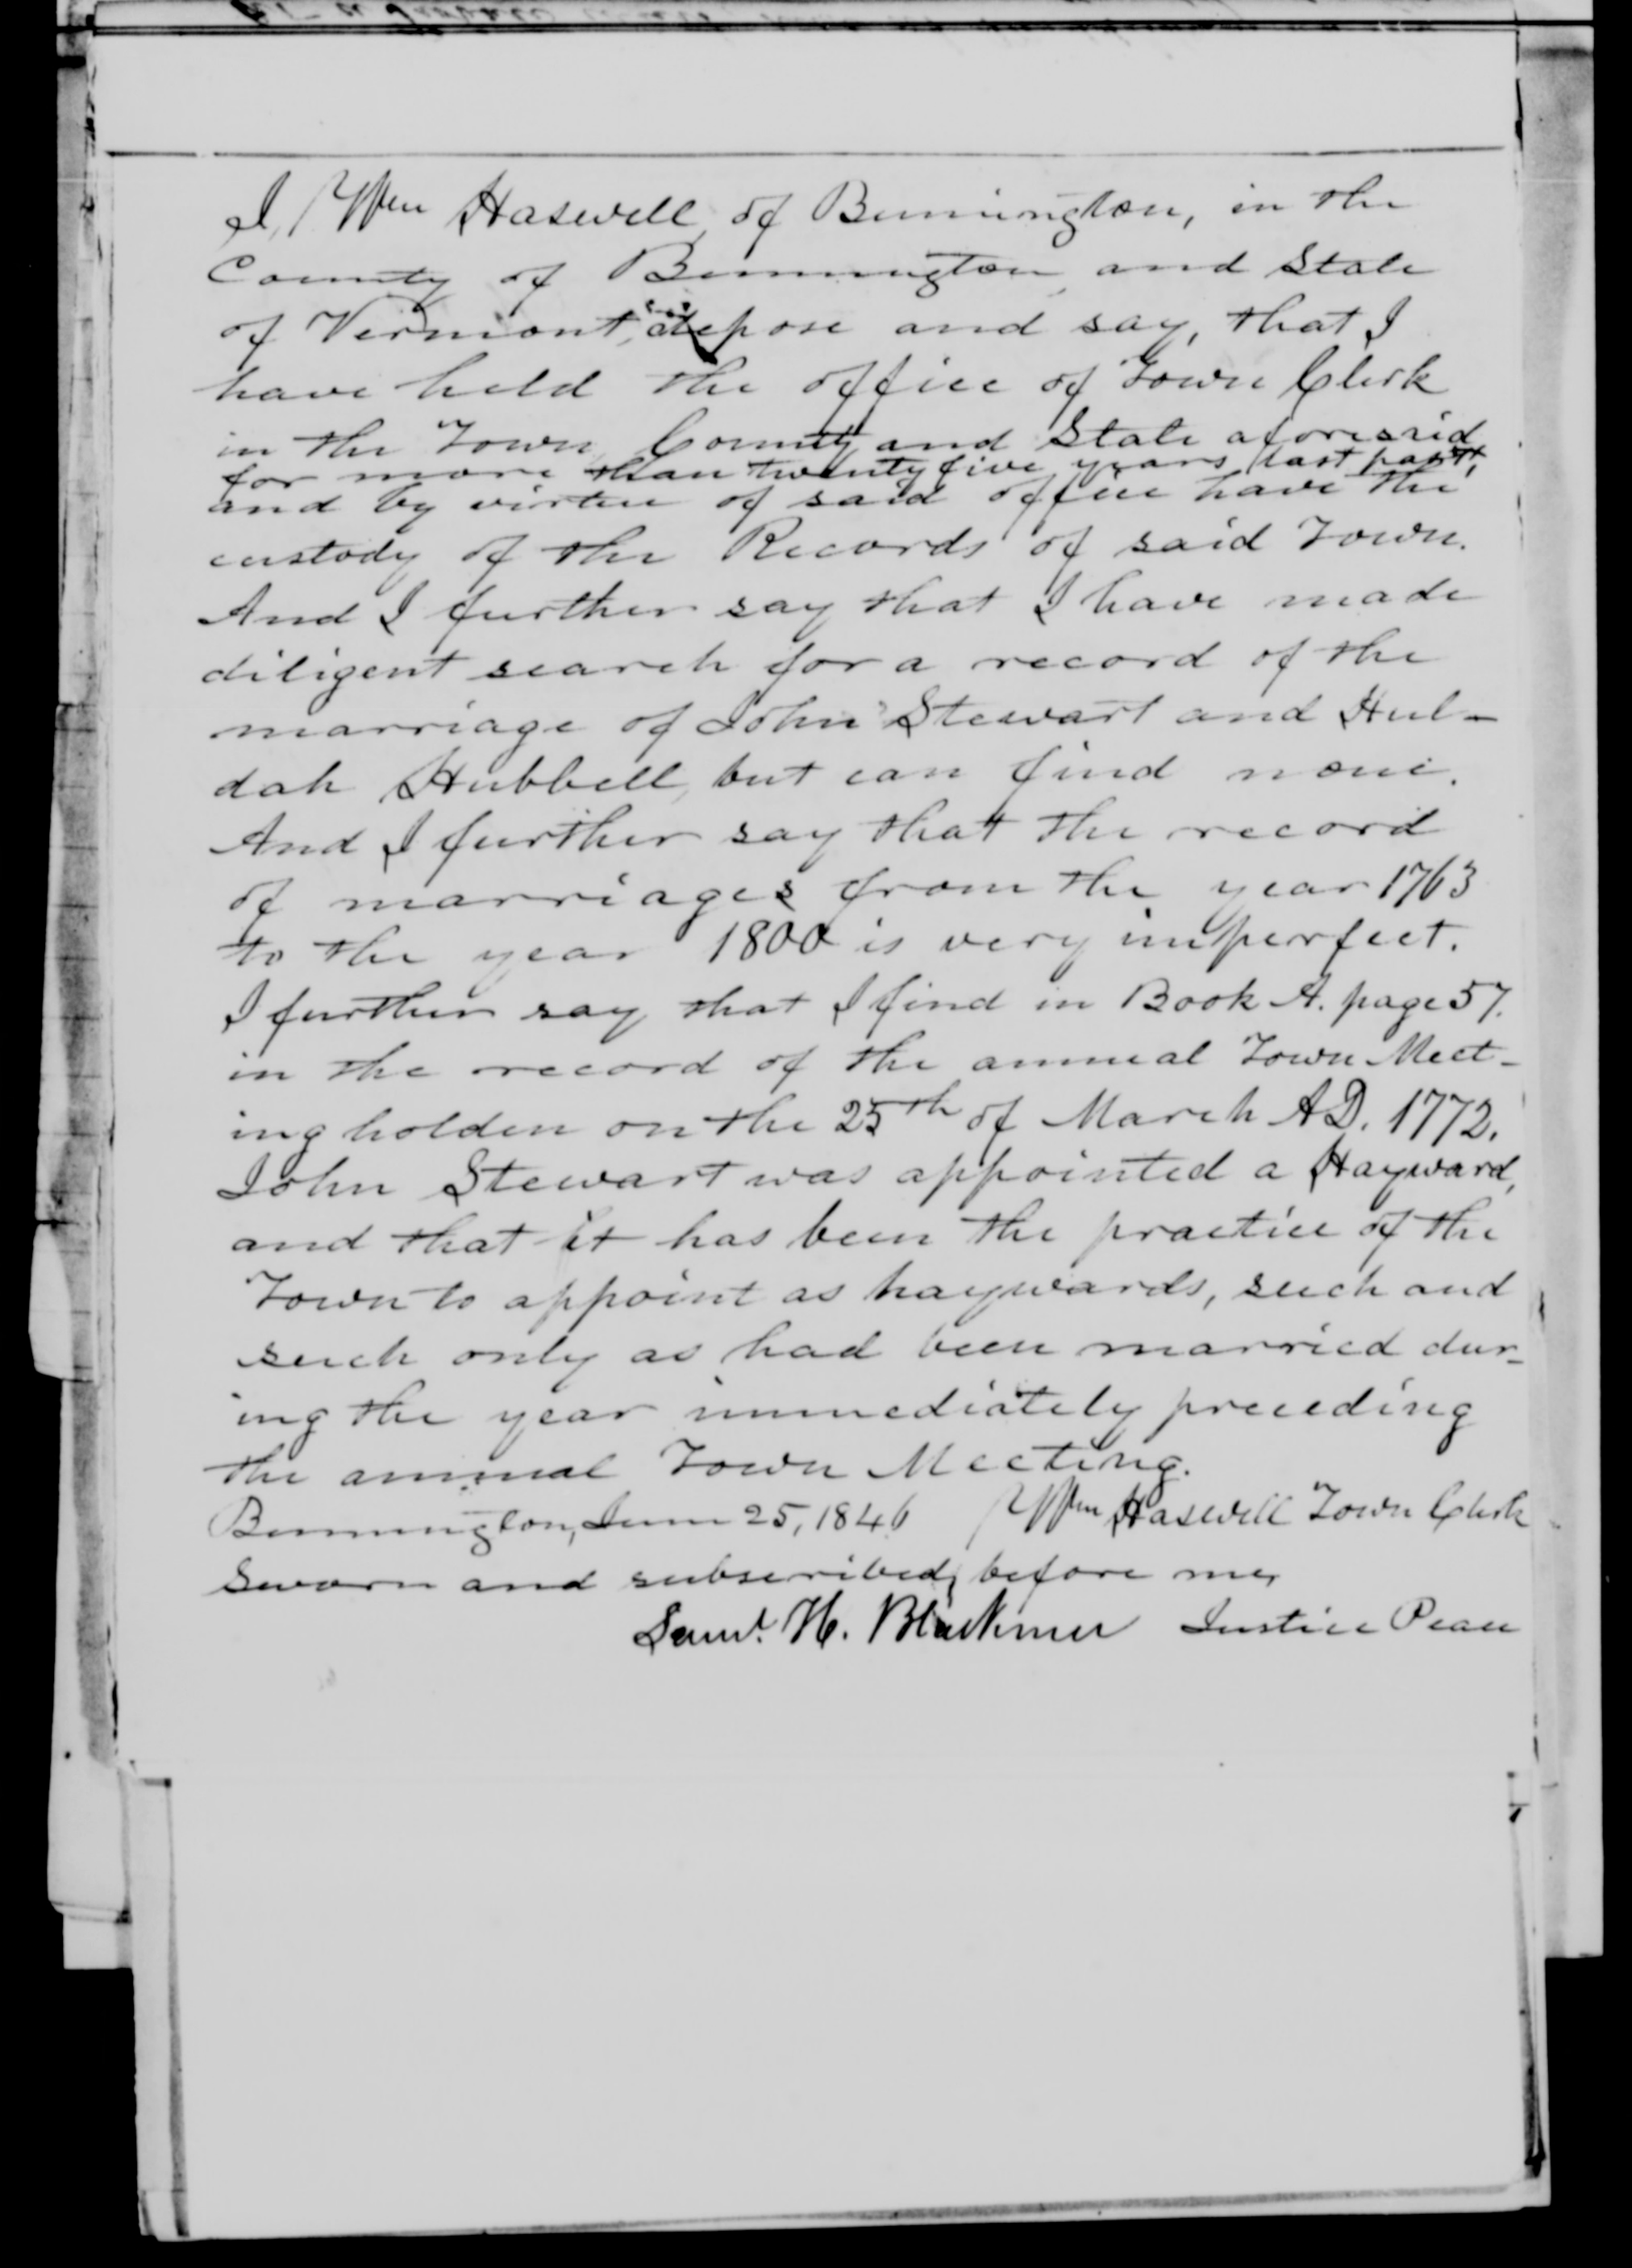I Wm Haswell of Bennington, in the
County of Bennington and State of
Vermont, depose and say, that I
have held the office of Town Clerk
in the Town County and State aforesaid
for more than twenty five years last past
and by virtue of said office have the
custody of the Records of said Town
And I further say that I have made
diligent search for a record of the
marriage of John Stewart and Hulldah Hubbell, but can find none
And I further say that the record
of marriages from the year 1763
to the year 1800 is very imperfect.
I further say that I find in Book A. page 57.
in the record of the annual Town Meeting
holden on the 25th of March AD. 1772.
John Stewart was appointed a Hayward,
and that it has been the practice of the
Town to appoint as haywards, such and
such only as had been married during the year immediately preceding
the annual Town Meeting
Bennington, June 25, 1846 Wm Haswell Town Clerk
Sworn and subscribed before me
[Signature] Saml H. Blackmer Justice Peace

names: Wm Haswell; John Stewart; Wm Haswell; Saml H Blackmer; John Stewart; [BLANK] Hayward; Huldah Hubbell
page: 11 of 26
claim: rejected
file: R. 10,154, for John Stewart, New Hampshire